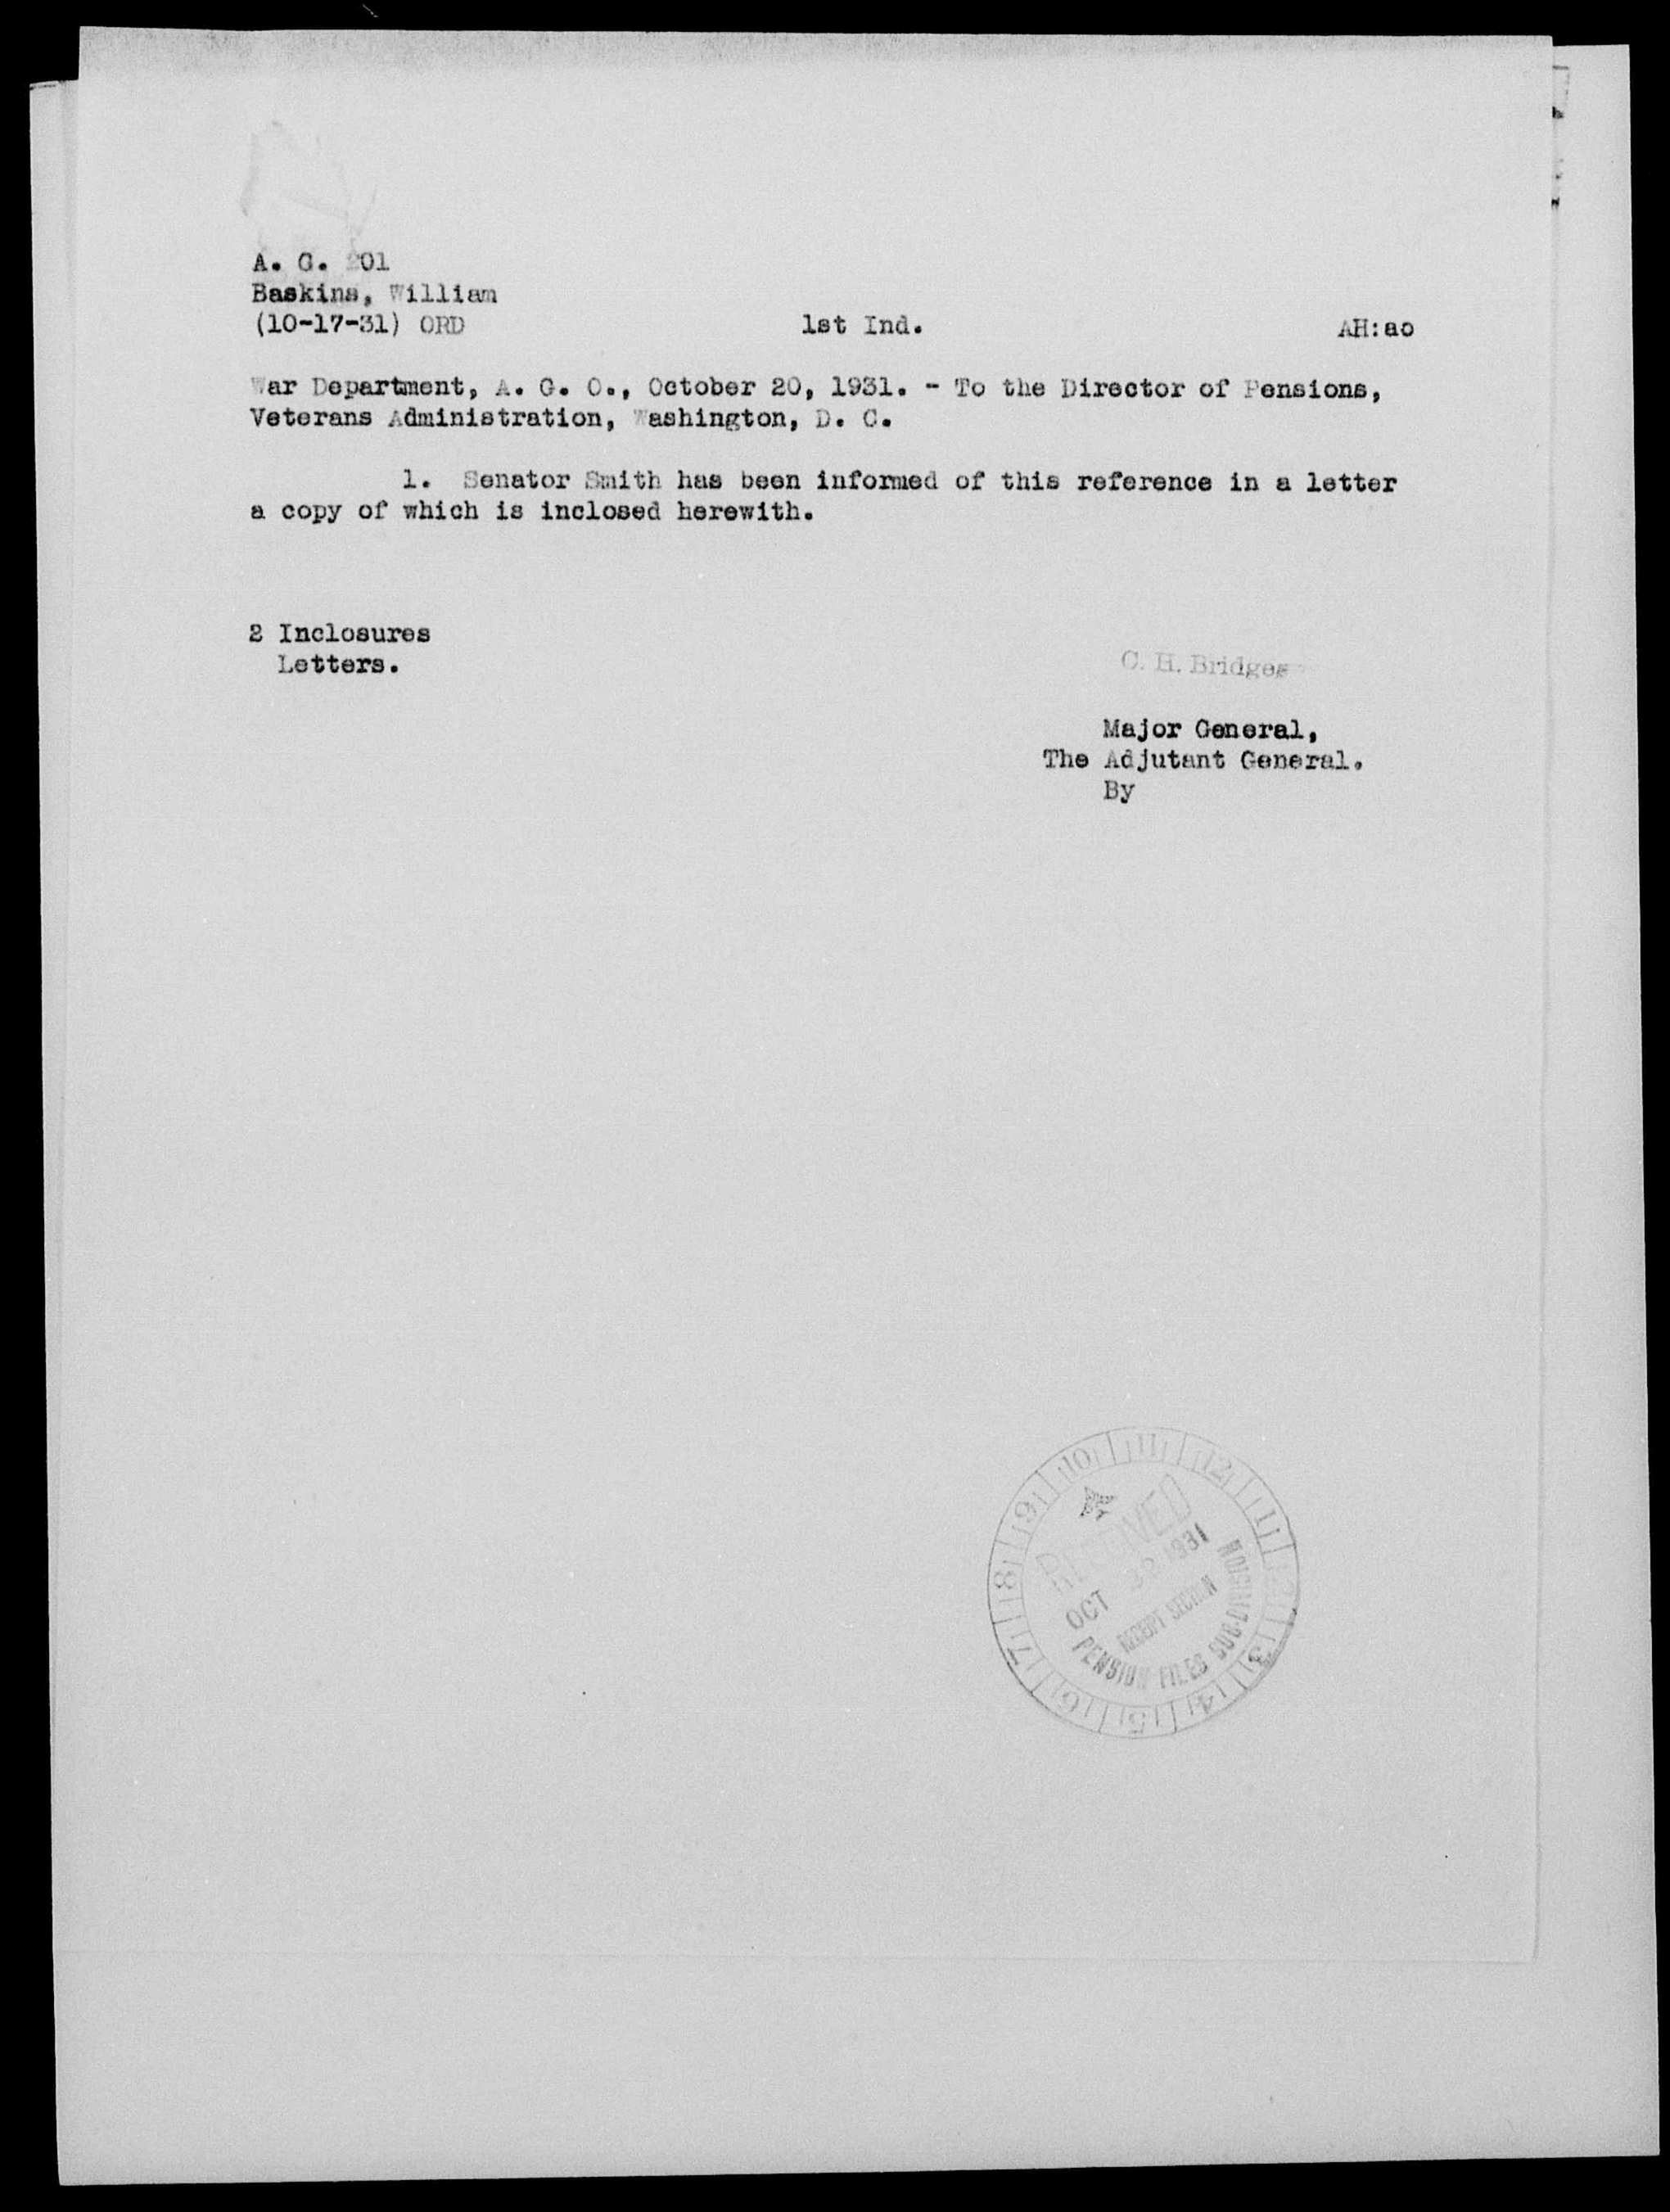A. G. 201
Baskins, William
(10-17-31) ORD [Space] 1st Ind. [Space] AH:ao

War Department, A. G. )., October 20, 1931. - To the Director of Pensions, Veterans Administration, Washington, D. C.

1. Senator Smith has been informed of this reference in a letter a copy of which is inclosed herewith.

2 Inclosures
Letters.

C. H. Bridges [Stamp]

Major General,
The Adjutant General.
By

[Circle Stamp]
RECEIVED
OCT 22 1931
RECEIPT SECTION
PENSION FILES SUB-DIVISION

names: William Baskins; C H Bridges; Senator Smith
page: 77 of 92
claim: widow's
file: W. 5522, for James Pettigrew, South Carolina